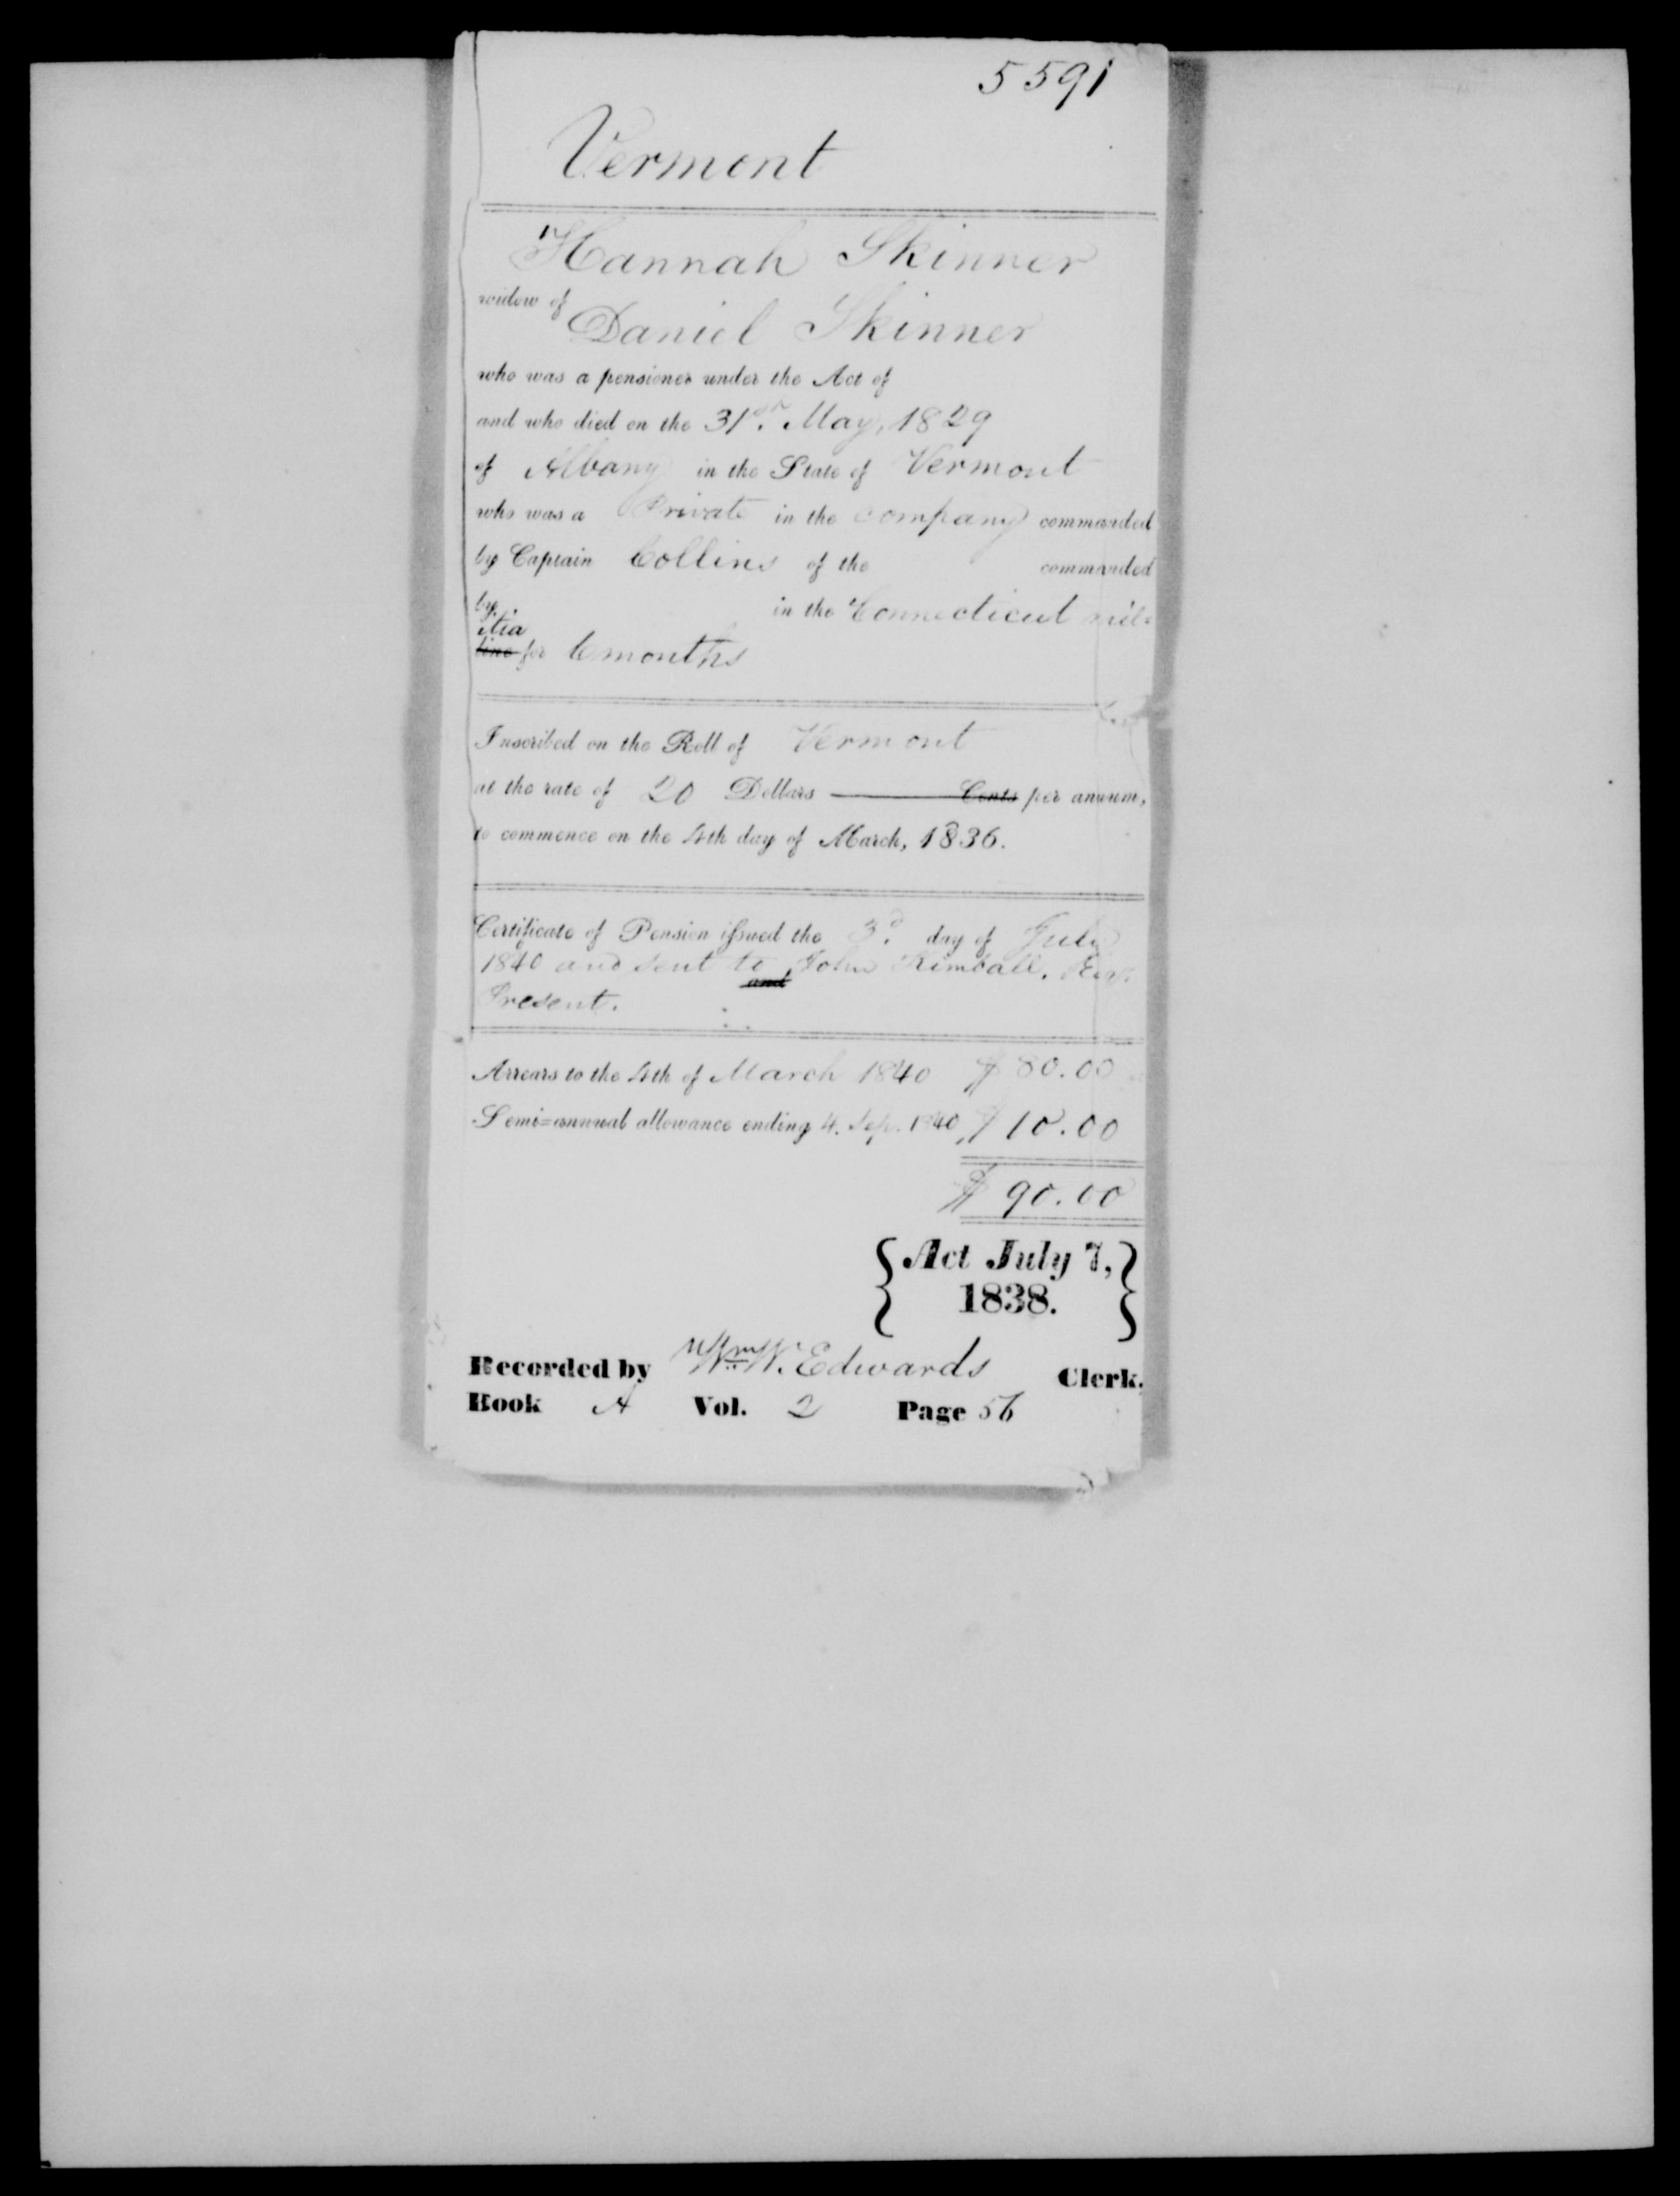Vermont         5591

Hannah Skinner
widow of Daniel Skinner
who was a pensioner under the Act of
and who died on the 31st May, 1829
of Albany in the State of Vermont
who was a private in the company commanded
by Captain Collins of the (blank)
commanded by (blank)
in the Connecticut militia for 6 months.

Inscribed on the Roll of Vermont
at the rate of 20 Dollars per annum,
commence on the 4th day of March, 1836
-
Certificate of Pension issued the 3d day of July
1840 and sent to John Kimball, Esq.
Present.

Arrears to the 4th of March 1840                $80.00
Semi-annual allowance ending 4 Sep 1840  10.00
Total                                                              $90.00

(Act July 7,1838.)
Recorded by Wm W. Edwards Clerk
Book A Vol. 2 Page 56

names: Hannah Skinner; [BLANK] Collins; Daniel Skinner; John Kimball; Wm W Edwards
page: 19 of 46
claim: widow's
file: W. 24976, for Daniel Skinner, New Hampshire